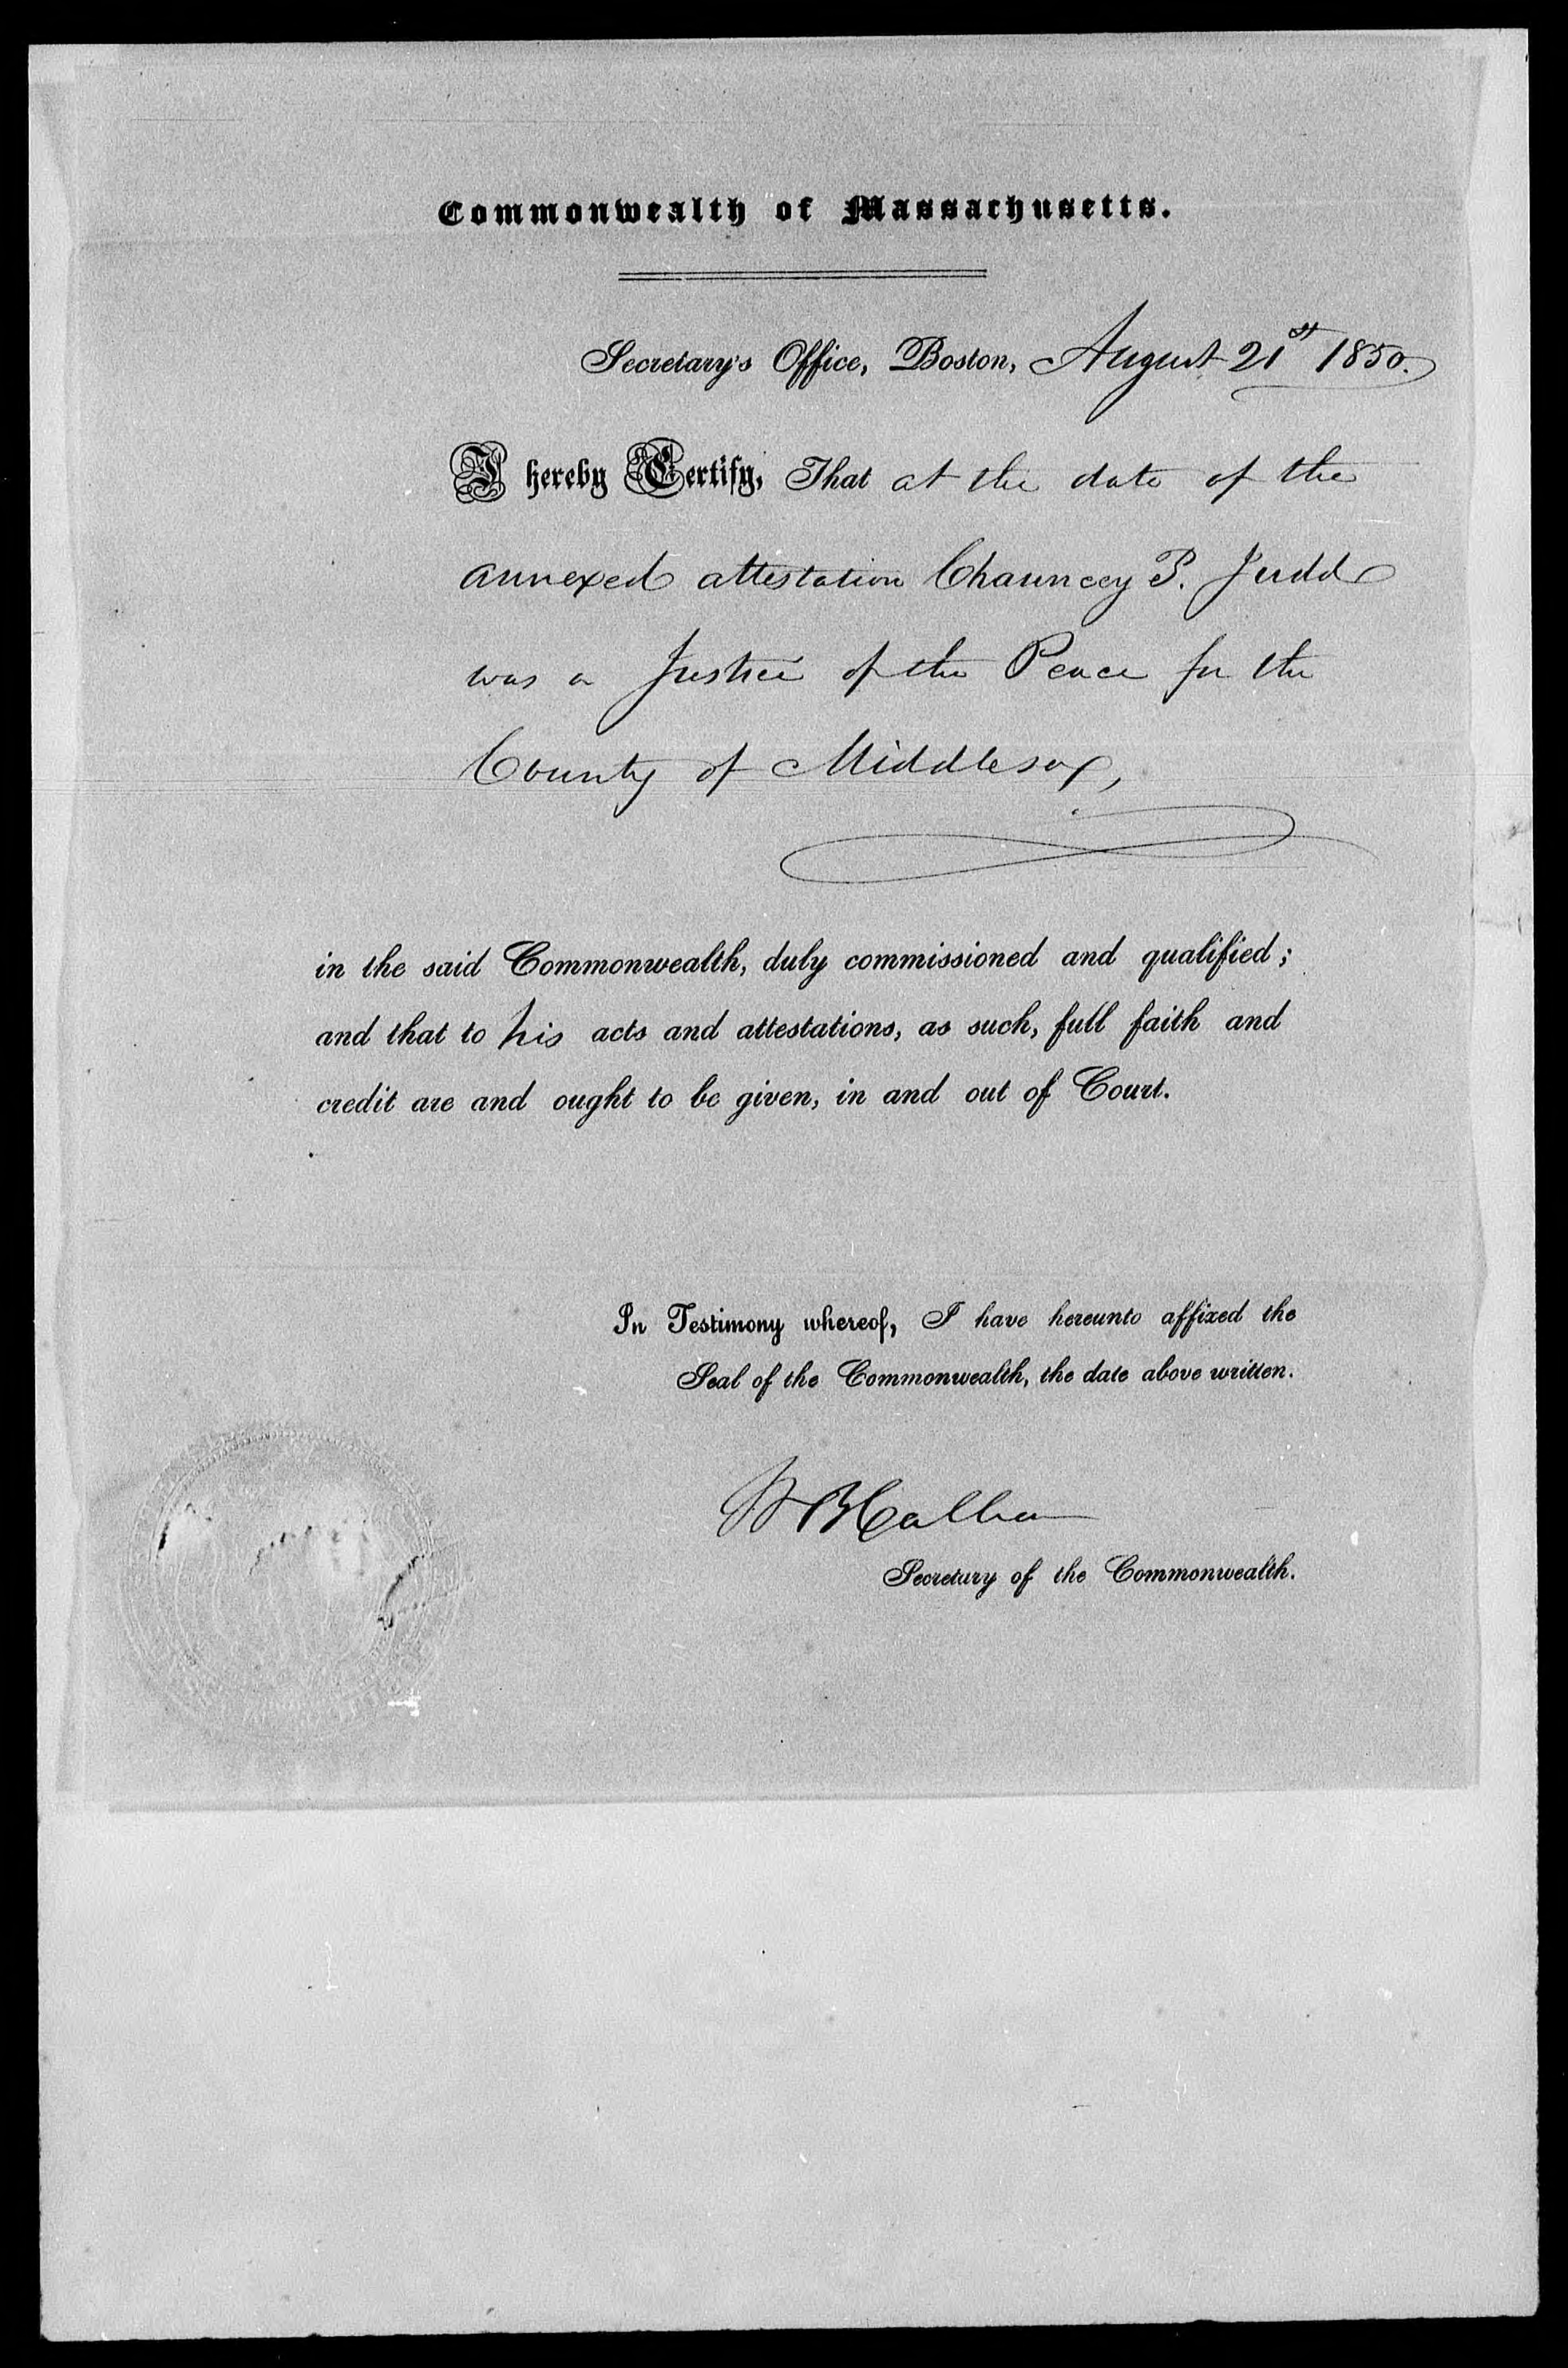Commonwealth of Massachusetts
-----------------------

Secretary's Office, Boston, August 21st 1850.

I hereby Certify, That at the date of the annexed attestation Chauncy P. Judd was a Justice of the Peace for the County of Middlesex.

in the said Commonwealth duly commissioned and qualified; and that to his acts and attestations, as such, full faith and credit are and ought to be given, in and out of Court.

In testimony whereof, I have hereunto affixed the Seal of the Commonwealth, the date above written.

W B Calhoun
Secretary of the Commonwealth

[Embossed Seal]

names: Chauncey P Judd, W B Calhoun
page: 25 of 28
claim: survivor's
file: S. 17376, Joseph Damon, Continental Mass.